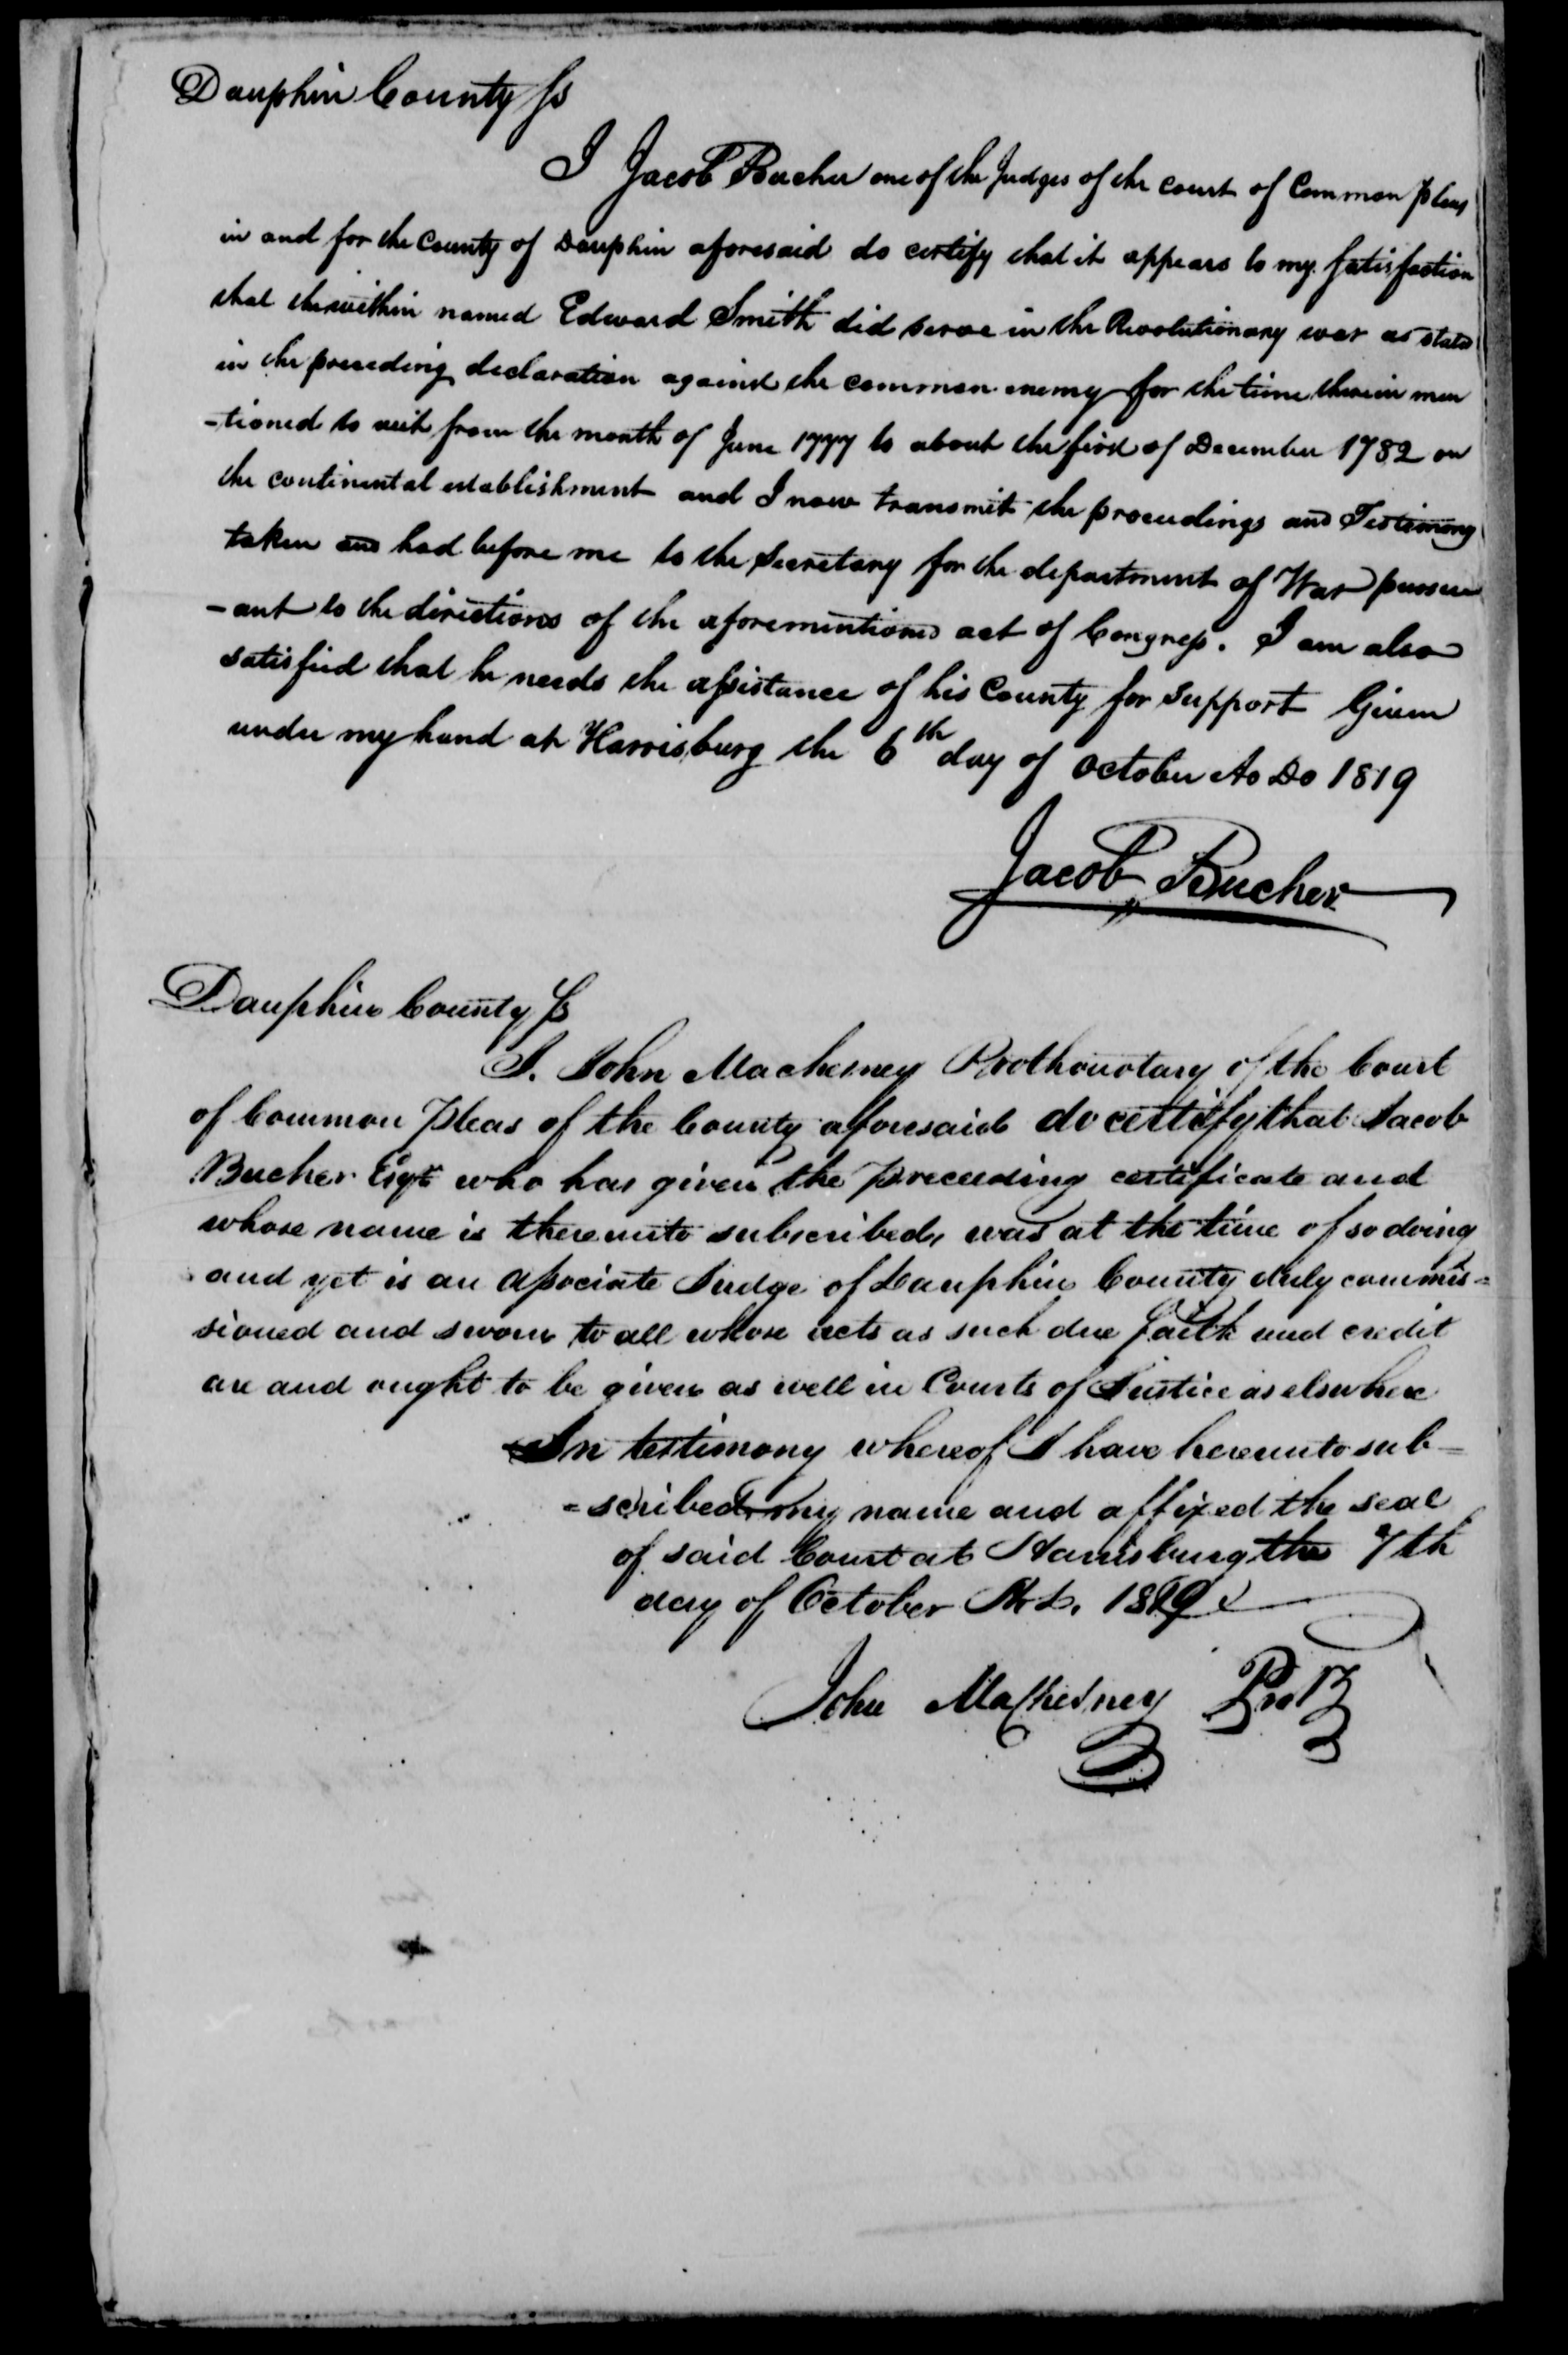Dauphin County ss
I Jacob Bucher one of the Judges of the Court of Common Pleas in and for the County of Dauphin aforesaid do certify that it appears to my satisfaction that the within named Edward Smith did serve in the Revolutionary war as stated in the preceding declaration against the common enemy for the time therein
 mentioned to wit from the month of June 1777 to about the first of December 1782 on
the continental establishment and I now transmit the proceedings and Testimony
taken and had before me to the Secretary for the department of War pursuant-
and to the directions of the aforementioned act of Congress. I am also satisfied that he needs the assistance of his Country for
 support . Given under my hand at Harrisburg the 6th day of October AD 1819.

Jacob Bucher

Dauphin County ss

I John Machesney Prothonotary of the Court
of Common Pleas of the County aforesaid do certify that Jacob Bucher Esqr. who has given the preceeding [preceding} certificate and
whose name is thereunto subscribed, was at the time of so doing and yet is an Associate Judge of Dauphin County duly commissioned and sworn to all whose acts as such due faith and credit are and ought to be given as well in Courts of Justice as elsewhere.

In testimony whereof I have hereunto subscribed my name and affixed the seal
of said Court at Harrisburg the 7th
day of October A.D. 1819.

John Machesney Proth.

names: John Machesney; Jacob Bucher; Edward Smith; Jacob Bucher; Jacob Bucher; John Machesney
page: 4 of 20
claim: survivor's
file: S 40454, for Edward Smith, Pennsylvania